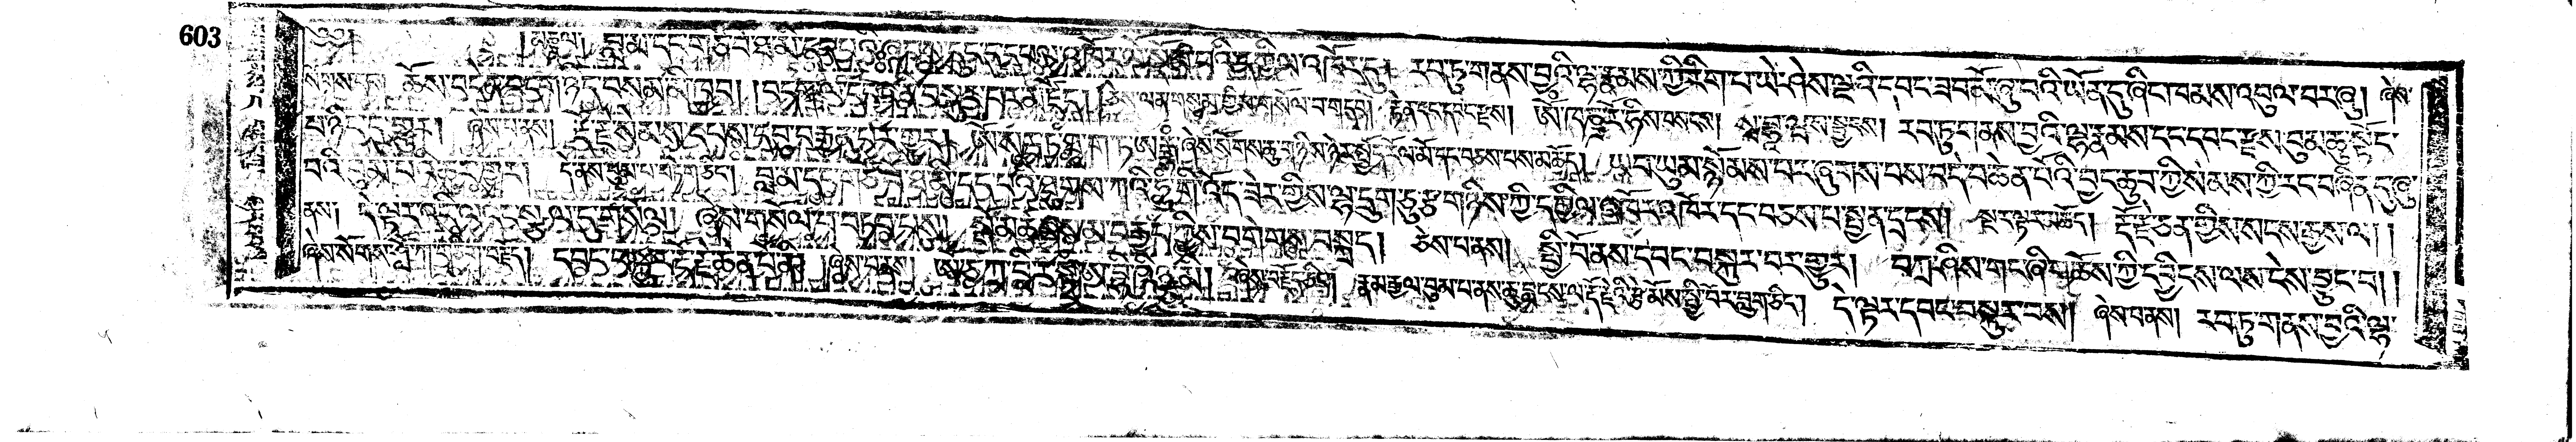༄༅། །མཎྜལ༑ བླ་མ་དང་གཙོ་བོ་ཐ་མི་དང་པའི་ཞབས་དྲུང་དུ་དཔལ་འཁོར་ལོ་སྡོམ་ཕའི་དཀྱིལ་འཁོར་དུ། རབ་ཏུ་གནས་བྱའི་ལྷ་རྣམས་ཀྱི་རིག་པ་ཡེ་ཤེས་ལྔའི་དབང་ཟབ་མོ་ཞུ་པའི་ཡོན་དུ་ཞིག་ཁམས་འབུལ་བར་ཞུ། ཞེས་
སོགས་དང་། ཆོས་བདེན་བདག་ཉིད་བསམ་མི་ཁྱབ། །བདག་ལ་དབང་ནི་བསྐུར་བར་མཛོད། །ཅེས་ལན་གསུམ་གྱིས་གསོལ་བ་གདབ། རྟེན་དང་དབང་རྫས།  ཨོཾ་ཁཎྜ་རོ་ཧིས་བསངས། སྭ་བྷཱ་ཝས་སྦྱངས། རབ་ཏུ་གནས་བྱའི་ལྷ་རྣམས་དང་དབང་རྫས་བུམ་ཆུ་སྟོང་
པ་ཉིད་དུ་གྱུར། ཞེས་པ་ནས།  རྡོ་རྗེ་སེམས་དཔས་དབུ་བརྒྱན་པར་གྱུར། ཨོཾ་སརྦ་ཏ་ཐཱ་ག་ཏ་ཨརྒྷཾ་ཞེས་སོགས་ཆུ་གཉིས་ཉེར་སྤྱོད་རོལ་མོ་དང་བཅས་པས་མཆོད།  ཡབ་ཡུམ་སྙོམས་བར་ཞུགས་པས་བདེ་བ་ཆེན་པོའི་བྱང་ཆུབ་ཀྱི་སེམས་ཀྱི་རང་བཞིན་དུ་ཞུ་
བའི་བུམ་པའི་ཆུར་གྱུར། དེ་ནས་བུམ་པ་བཏེག་ཅིང་།  བླ་མ་དང་གཙོ་བོ་ཐ་མི་དད་པའི་ཐུགས་ཀའི་ཧཱུཾ་གི་འོད་ཟེར་གྱིས་ལྷ་དྲུག་ཅུ་རྩ་གཉིས་ཀྱི་དཀྱིལ་འཁོར་འཁོར་དང་བཅས་པ་སྤྱན་དྲངས། སྔར་ལྟར་མཆོད།  རྡོ་རྗེ་ཅན་གྱིས་སངས་རྒྱས་ལ། །
ནས།  དེ་ལྟར་འདི་ལའང་སྩལ་དུ་གསོལ། ཞེས་གསོལ་བ་བཏབ་པས། སྒོ་མཚམས་མ་བརྒྱད་ཀྱིས་བགེགས་བསྐྲད། ཅེས་པ་ནས།  སྤྱི་བོ་ནས་དབང་བསྐུར་བར་གྱུར། བཀྲ་ཤིས་གང་ཞིག་ཆོས་ཀྱི་དབྱིངས་ལས་ངེས་བྱུང་བ། །
ཞེས་སོགས་ཤླཽ་ཀ་གཅིག་བརྗོད།  དབང་བསྐུར་རྡོ་རྗེ་ཆེན་པོ་སྔོ། །ཞེས་པ་ནས།  ཨོཾ་ཙ་ཀྲ་བཱི་ར་སྟྭཾ་ཨ་བྷི་ཥིཉྩ་མི། ཞེས་བརྗོད་ཅིང་། རྣམ་རྒྱལ་བུམ་པ་ནས་ཆུ་བླངས་ལ་རྡོ་རྗེའི་རྩེ་མོས་སྤྱི་བོར་བླུག་ཅིང་།  དེ་ལྟར་དབང་བསྐུར་བས། ཞེས་པ་ནས།  རབ་ཏུ་གནས་བྱའི་ལྷ་